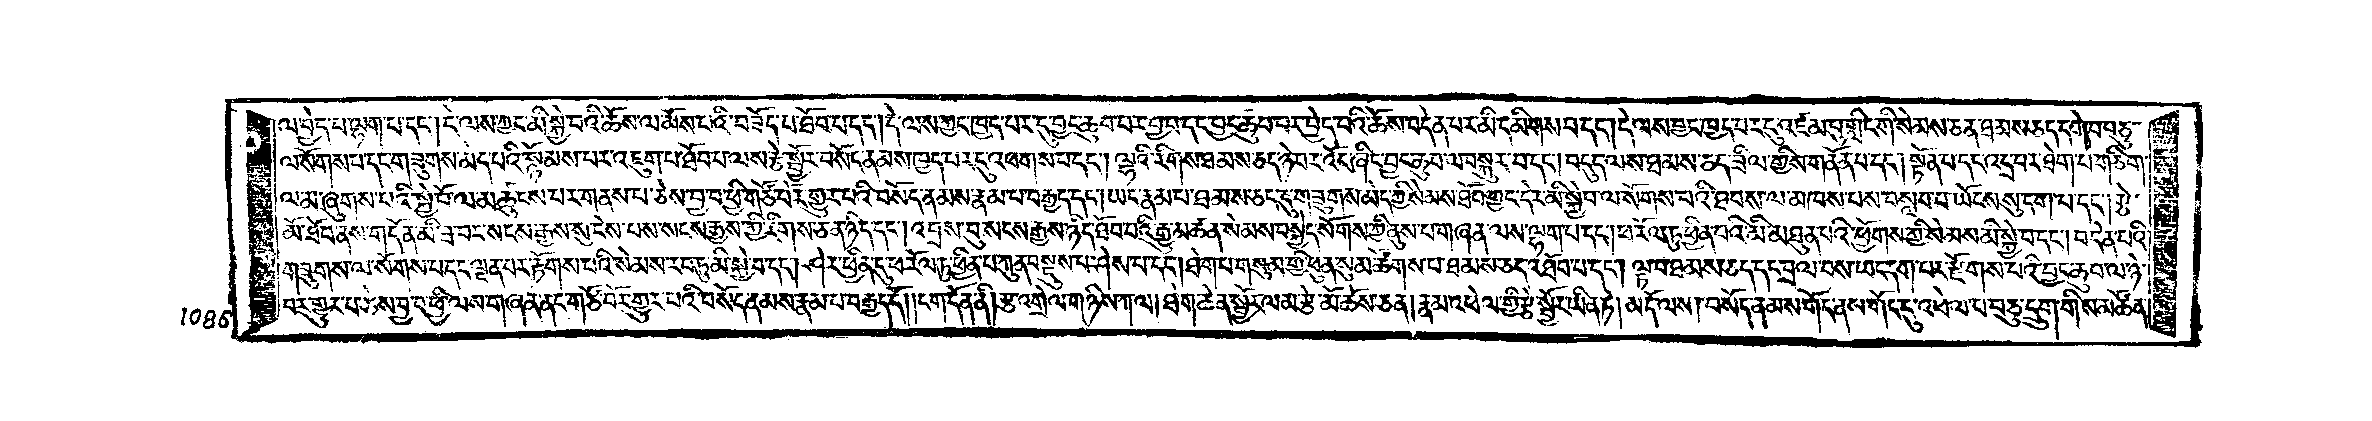ལ་བྱེད་པ་ལྷག་པ་དང་། དེ་ལས་ཀྱང་མི་སྐྱེ་བའི་ཆོས་ལ་མོས་པའི་བཟོད་པ་ཐོབ་པ་དང་། དེ་ལས་ཀྱང་ཁྱད་པར་དུ་བྱང་ཆུབ་པར་བྱ་བ་དང་བྱང་ཆུབ་པར་བྱེད་པའི་ཆོས་བདེན་པར་མི་དམིགས་པ་དང་། དེ་ལས་བྱང་ཁྱད་པར་དུ་འཛམ་བུ་གླིང་གི་སེམས་ཅན་ཐམས་ཅད་དགེ་བ་བཅུ་
ལ་སོགས་པ་དང་གཟུགས་མེད་པའི་སྙོམས་པར་འཇུག་པ་ཐོབ་པ་ལས་རྩེ་སྦྱོར་བསོད་ནམས་ཁྱད་པར་དུ་འཕགས་པ་དང་། ལྷའི་རིགས་ཐམས་ཅད་ཉེ་བར་འོང་ཞིང་བྱང་ཆུབ་ལ་བསྐུར་བ་དང་། བདུད་ལས་ཐམས་ཅད་ཟིལ་གྱིས་གནོན་པ་དང་། སྟོན་པ་དང་འདྲ་བར་ཐེག་པ་གཅིག་
ལ་མ་ཞུགས་པའི་སྐྱེ་བོ་ལ་མཚུངས་པར་གནས་པ་ཅེས་བྱ་བ་ཕྱི་གཙོ་བོར་གྱུར་པའི་བསོད་ནམས་རྣམ་པ་བརྒྱད་དང་། ཡང་རྣམ་པ་ཐམས་ཅད་དུ་གཟུགས་མེད་ཀྱི་སེམས་ཐོབ་ཀྱང་དེར་མི་སྐྱེ་བ་ལ་སོགས་པའི་ཐབས་ལ་མཁས་པས་བསླབ་པ་ཡོངས་སུ་དག་པ་དང་། རྩེ་
མོ་ཐོབ་ནས་གདོན་མི་ཟ་བར་སངས་རྒྱས་སུ་ངེས་པས་སངས་རྒྱས་ཀྱི་རིགས་ཅན་ཉིད་དང་། འབྲས་བུ་སངས་རྒྱས་ཉིད་ཐོབ་པའི་རྒྱུ་མཚན་སེམས་བསྐྱེད་སོགས་ཀྱི་ནུས་པ་གཞན་ལས་ལྷག་པ་དང་། ཕ་རོལ་ཏུ་ཕྱིན་པའི་མི་མཐུན་པའི་ཕྱོགས་ཀྱི་སེམས་མི་སྐྱེ་བ་དང་། བདེན་པའི་
གཟུགས་ལ་སོགས་པ་དང་ལྡན་པར་རྟོགས་པའི་སེམས་རབ་ཏུ་མི་སྐྱེ་བ་དང་། ཤེར་ཕྱིན་དུ་ཕ་རོལ་ཏུ་ཕྱིན་པ་ཀུན་བསྡུས་པ་ཤེས་པ་དང་། ཐེག་པ་གསུམ་གྱི་ཕུན་སུམ་ཚོགས་པ་ཐམས་ཅད་འཐོབ་པ་དང་། ལྟ་བ་ཐམས་ཅད་དང་བྲལ་བས་ཡང་དག་པར་རྫོགས་པའི་བྱང་ཆུབ་ལ་ཉེ་
བར་གྱུར་པ་ཅེས་བྱ་བ་ཕྱི་ལས་གཞན་ནང་གཙོ་བོར་གྱུར་པའི་བསོད་ནམས་རྣམ་པ་བརྒྱད་དོ། །ངག་དོན་ནི། རྩ་འགྲེལ་གཉིས་ཀ་ལ། ཐེག་ཆེན་སྦྱོར་ལམ་རྩེ་མོ་ཆོས་ཅན། རྣམ་འཕེལ་གྱི་རྩེ་སྦྱོར་ཡིན་ཏེ། མདོ་ལས། བསོད་ནམས་གོང་ནས་གོང་དུ་འཕེལ་པ་བཅུ་དྲུག་གིས་མཚོན་